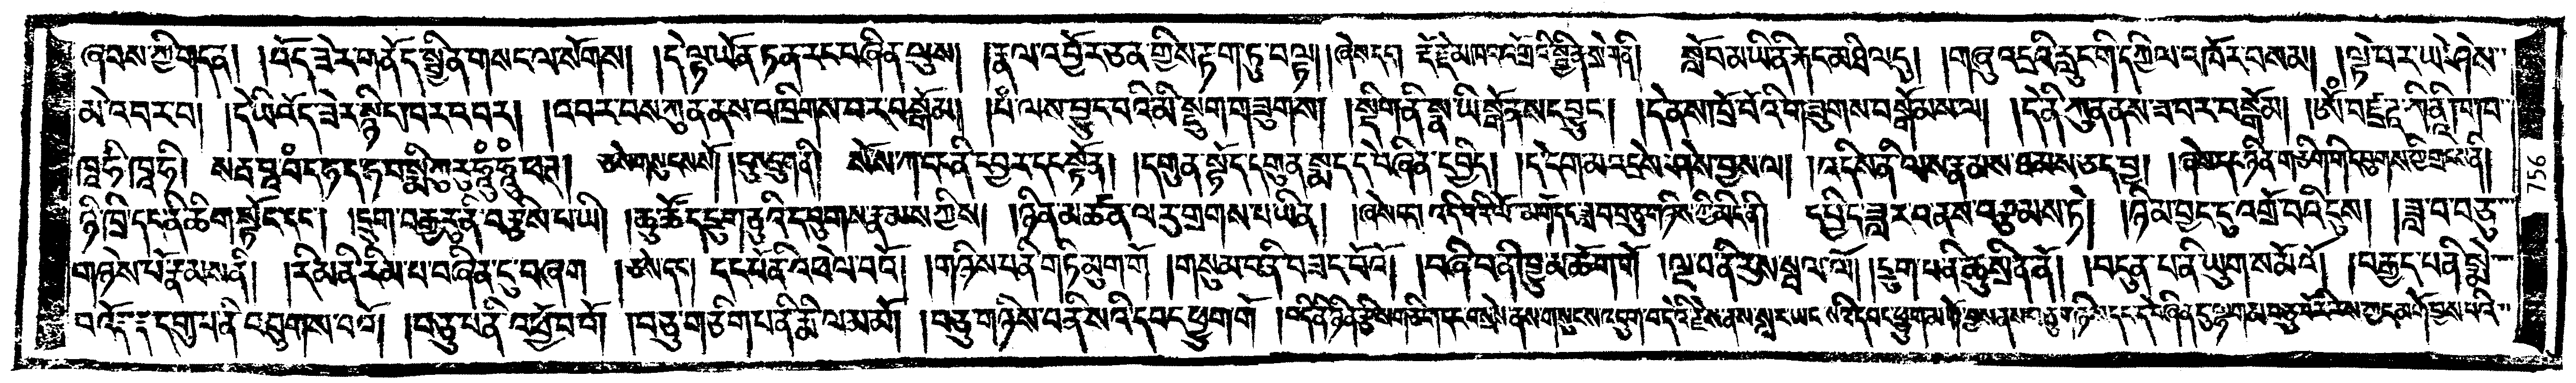ཞབས་ཀྱི་གདན། །འོད་ཟེར་གནོད་སྦྱིན་གསང་ལ་སོགས། །དེ་ལྟ་ཡོན་ཏན་རང་བཞིན་ལུས། །རྣལ་འབྱོར་ཅན་གྱིས་རྟག་ཏུ་བལྟ། །ཞེས་དང་། རྡོ་རྗེ་མཁའ་འགྲོའི་སྦྱིན་སྲེག་ནི། སློབ་མ་ཡི་ནི་རྐང་མཐིལ་དུ། །གཞུ་འདྲའི་རླུང་གི་དཀྱིལ་འཁོར་བསམ། །ལྟེ་བར་ཡེ་ཤེས་
མེ་འབར་བ། །དེ་ཡི་འོད་ཟེར་སྙིང་ཁར་འབར། །འབར་བས་ཀུན་ནས་འཁྲིགས་པར་བསྒོམ། །པཾ་ལས་བྱུང་བའི་མི་སྡུག་གཟུགས། །སྡིག་ནི་སྣ་ཡི་སྒོ་ནས་དབྱུང་། །དེ་ནས་ཁྲོ་བོའི་གཟུགས་བསྒོམས་ལ། །དེ་ནི་ཀུན་ནས་ཟ་བར་བསྒོམ། །ཨོཾ་བཛྲ་ཌཱ་ཀི་ནཱི། ག་བ་
ཁཱ་ཧི་ཁཱ་ཧི། སརྦ་བཱ་བཾ་ད་ཧ་ད་ཧ་བསྨི་ཀུ་རུ་ཧཱུཾ་ཧཱུཾ་ཕཊ། ཅེས་གསུངས་སོ། །དུས་དྲུག་ནི། སོས་ཀ་དང་ནི་དབྱར་དང་སྟོན། །དགུན་སྟོད་དགུན་སྨད་དེ་བཞིན་དབྱིད། །དེ་དག་མ་འདྲེས་ཤེས་བྱས་ལ། །འདིས་ནི་ལས་རྣམས་ཐམས་ཅད་བྱ། །ཞེས་དང་ཉིན་གཅིག་གི་དབུགས་ཀྱི་གྲངས་ནི།
ཉི་ཁྲི་དང་ནི་ཆིག་སྟོང་དང་། །དྲུག་བརྒྱ་རུ་ནི་བརྩིས་པ་ཡི། །ཆུ་ཚོད་དྲུག་ཅུའི་དབུགས་རྣམས་ཀྱིས། །ཉིན་མཚན་ལ་རུ་གྲགས་པ་ཡིན། །ཞེས་དང་། འདི་བའི་ལོ་མགོ་དང་ཟླ་བ་བཅུ་གཉིས་ཀྱི་མིང་ནི། དཔྱིད་ཟླར་བ་ནས་བརྩམས་ཏེ། །ཉི་མ་བྱང་དུ་འགྲོ་བའི་དུས། །ཟླ་བ་བཅུ་
གཉིས་པོ་རྣམས་ནི། །རིམ་ནི་རིམ་པ་བཞིན་དུ་བཞག །ཅེས་དང་། དང་པོ་ནི་འཕེལ་བའོ། །གཉིས་པ་ནི་གཏི་མུག་གོ །གསུམ་པ་ནི་བཟང་པོའོ། །བཞི་བ་ནི་ཁྱུ་མཆོག་གོ །ལྔ་བ་ནི་རུས་སྦལ་ལོ། །དྲུག་པ་ནི་ཆུ་སྲིན་ནོ། །བདུན་པ་ནི་ཡུག་ས་མོའོ། །བརྒྱད་པ་ནི་སྨེ་
བའོ༑ ༑དགུ་པ་ནི་འབུགས་པའོ། །བཅུ་པ་ནི་འཕྱོ་བ་བོ། །བཅུ་གཅིག་པ་ནི་རྨི་ལམ་མོ། །བཅུ་གཉིས་པ་ནི་སའི་དབང་ཕྱུག་གོ །འདི་ནི་ཉིན་རྩིས་གཅིག་དང་བསྲེས་ནས་གསུངས་འདུག་པ་དེའི་རྗེས་ནས་སླར་ཡང་སའི་དབང་ཕྱུག་མགོ་བྱས་ནས་བཅུ་གཉིས་དང་དེ་བཞིན་དུ་ལྷག་མ་བཅུ་བོར་རིས་ཀྱང་མགོ་བྱས་པའི་